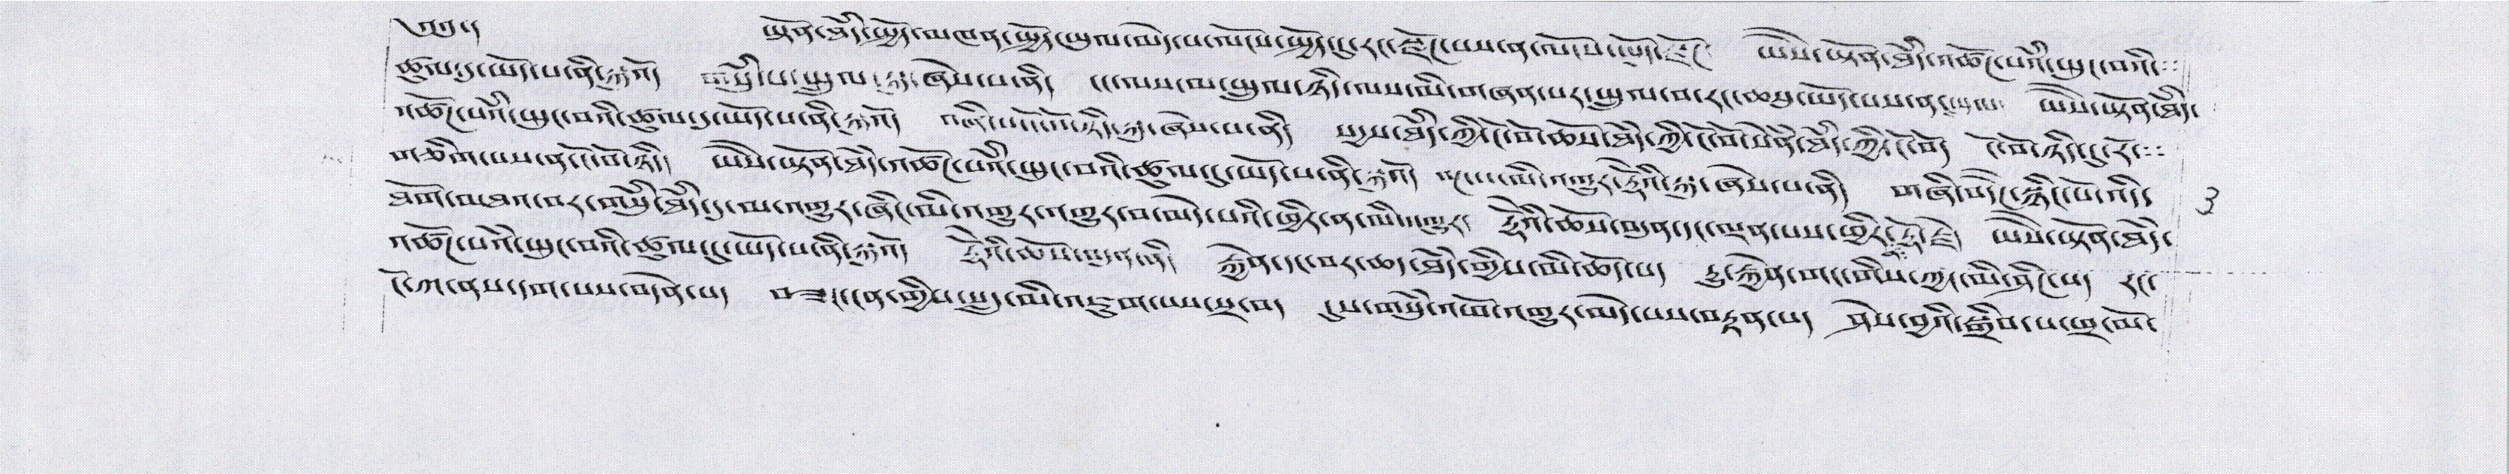ཡོན་ཏན་ཐམས་ཅད་སྤྱོད་མཁན་སྤྱོད་ཡུལ་མེད་པ་ལོངས་སྤྱོད་དུ་རང་རྫོགས་པས་ན་ལོངས་སྤྱོད་རྫོགས། ཡེ་ཤེས་ཡོན་ཏན་ཐམས་ཅད་འཚོགས་པའི་སྤུང་བའི་
ཚུལ་དུ་ཡོད་པ་ནི་སྐུའོ། གསུམ་པ་སྤྲུལ་སྐུ་ཞེས་པ་ནི། ངང་ལས་མ་སྤྲུལ་ཉིད་ལས་མི་གཞན་པར་སྤྲུལ་པ་རང་ཆས་སུ་ཡོད་པས་ན་ཡུལ་ཡེ་ཤེས་ཡོན་ཏན་ཐམས་ཅད་
འཚོགས་པའི་སྤྲུང་བའི་ཚུལ་དུ་ཡོད་པ་ནི་སྐུའོ། བཞི་པ་ངོ་བོ་ཉིད་སྐུ་ཞེས་པ་ནི། སངས་རྒྱས་ཐམས་ཅད་ཀྱི་ངོ་བོ་ཆོས་ཐམས་ཅད་ཀྱི་ངོ་བོ་སེམས་ཅན་ཐམས་ཅད་ཀྱི་ངོ་བོ། ངོ་བོ་ཉིད་དུ་རོ་
གཅིག་པས་ན་ངོ་བོ་ཉིད། ཡེ་ཤེས་ཡོན་ཏན་ཐམས་ཅད་འཚོགས་པ་འམ་སྤུང་བའི་ཚུལ་དུ་ཡོད་པ་ནི་སྐུའོ། ལྔ་པ་མི་འགྱུར་རྡོ་རྗེའི་སྐུ་ཞེས་པ་ནི། གཞི་བདེ་གཤེགས་སྙིང་པོ་འདི་
ཐོག་མཐའ་བར་གསུམ་ཐམས་ཅད་དུ་མ་འགྱུར་ཞིང་མི་འགྱུར་འགྱུར་བ་མེད་པའི་ཕྱིར་ན་མི་འགྱུར། རྡོ་རྗེའི་ཆོས་བདུན་དང་ལྡན་པས་ཕྱིར་ན་རྡོ་རྗེ། ཡེ་ཤེས་ཡོན་ཏན་ཐམས་ཅད་
འཚོགས་པའམ་སྤུང་པའི་ཚུལ་དུ་ཡོད་པ་ནི་སྐུའོ། རྡོ་རྗེའི་ཆོས་བདུན་ནི། རྐྱེན་དང་བར་ཆད་ཐམས་ཅད་ཀྱིས་མི་ཆོད་པ། རྒྱུ་རྐྱེན་གང་གིས་ཀྱང་མི་ཤིགས་པ། རང་
ངོ་ཀ་ནས་དག་པས་བདེན་པ། བཟང་ངན་གྱིས་སླད་མི་འཇུག་པས་སྲ་བ། དུས་གསུམ་འཕོ་འགྱུར་མེད་པས་བརྟན་པ། ཤེས་བྱའི་སྒྲིབ་པ་ཕྲ་མོ་